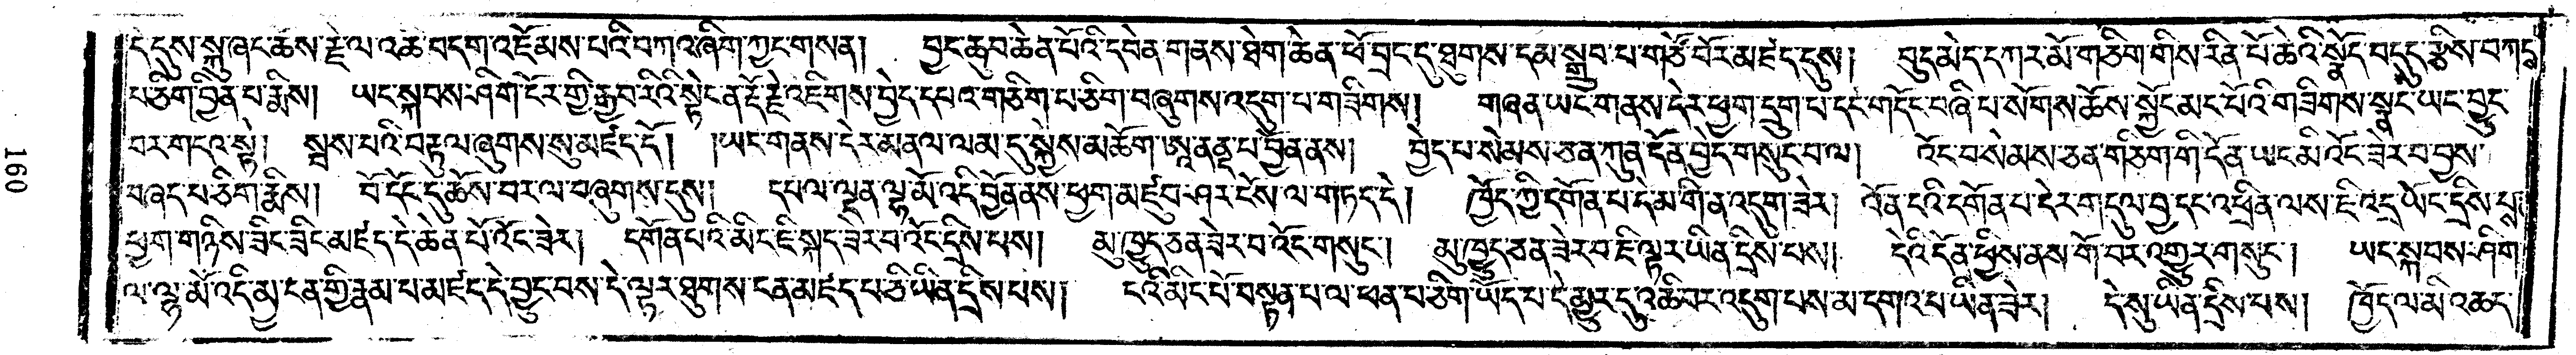དེ་དུས་སྐུ་ཞང་ཆོས་རྗེ་ལ་འཆི་བདག་འཇོམས་པའི་བཀའ་ཞིག་ཀྱང་གསན། བྱང་ཆུབ་ཆེན་པོའི་དབེན་གནས་ཐེག་ཆེན་ཕོ་བྲང་དུ་ཐུགས་དམ་སྒྲུབ་པ་གཙོ་བོར་མཛད་དུས། བུད་མེད་དཀར་མོ་གཅིག་གིས་རིན་པོ་ཆེའི་སྣོད་བདུད་རྩིས་བཀངས་
པ་ཅིག་བྱིན་པ་རྨིས། ཡང་སྐབས་ཤིག་ངོར་གྱི་རྒྱབ་རིའི་སྟེང་ན་རྡོ་རྗེ་འཇིགས་བྱེད་དཔའ་གཅིག་པ་ཅིག་བཞུགས་འདུག་པ་གཟིགས། གཞན་ཡང་གནས་དེར་ཕྱག་དྲུག་པ་དང་གདོང་བཞི་པ་སོགས་ཆོས་སྐྱོང་མང་པོའི་གཟིགས་སྣང་ཡང་བྱུང་
བར་གདའ་སྟེ། སྦས་པའི་བརྟུལ་ཞུགས་སུ་མཛད་དོ། །ཡང་གནས་དེར་མནལ་ལམ་དུ་སྐྱེས་མཆོག་ཨཱ་ནནྡ་པ་བྱོན་ནས། བྱེད་པ་སེམས་ཅན་ཀུན་དོན་བྱེད་གསུང་བ་ལ། འོང་བ་སེམས་ཅན་གཅིག་གི་དོན་ཡང་མི་འོད་ཟེར་བ་བྱས་
བཞད་པ་ཅིག་རྨིས། བོ་དོང་དུ་ཆོས་བར་ལ་བཞུགས་དུས། དཔལ་ལྡན་ལྷ་མོ་འདི་བྱོན་ནས་ཕྱག་མཛུབ་ཤར་ངོས་ལ་གཏད་དེ། ཁྱོད་ཀྱི་དགོན་པ་དེ་མ་གི་ན་འདུག་ཟེར། འོ་ན་ངའི་དགོན་པ་དེར་གདུལ་བྱ་དང་འཕྲིན་ལས་ཇི་འདྲ་ཡོང་དྲིས་པས་
ཕྱག་གཉིས་ཟིང་ཟིང་མཛད་དེ་ཆེན་པོ་འོང་ཟེར། དགོན་པའི་མིང་ཇི་སྐད་ཟེར་བ་འོང་དྲིས་པས། མུ་ཁྱུད་ཅན་ཟེར་བ་འོང་གསུང་། མུ་ཁྱུད་ཅན་ཟེར་བ་ཇི་ལྟར་ཡིན་དྲིས་པས། དེའི་དོན་ཕྱིས་ནས་གོ་བར་འགྱུར་གསུང་། ཡང་སྐབས་ཤིག་
ལ་ལྷ་མོ་འདི་མྱ་ངན་གྱི་རྣམ་པ་མཛད་དེ་བྱུང་བས་དེ་ལྟར་ཐུགས་ངན་མཛད་པ་ཅི་ཡིན་དྲིས་པས། ངའི་མིང་པོ་བསྟན་པ་ལ་ཕན་པ་ཅིག་ཡོད་པ་དེ་མྱུར་དུ་འཆི་བར་འདུག་པས་མ་དགའ་པ་ཡིན་ཟེར། དེ་སུ་ཡིན་དྲིས་པས། ཁྱོད་ལ་མི་འཆད་